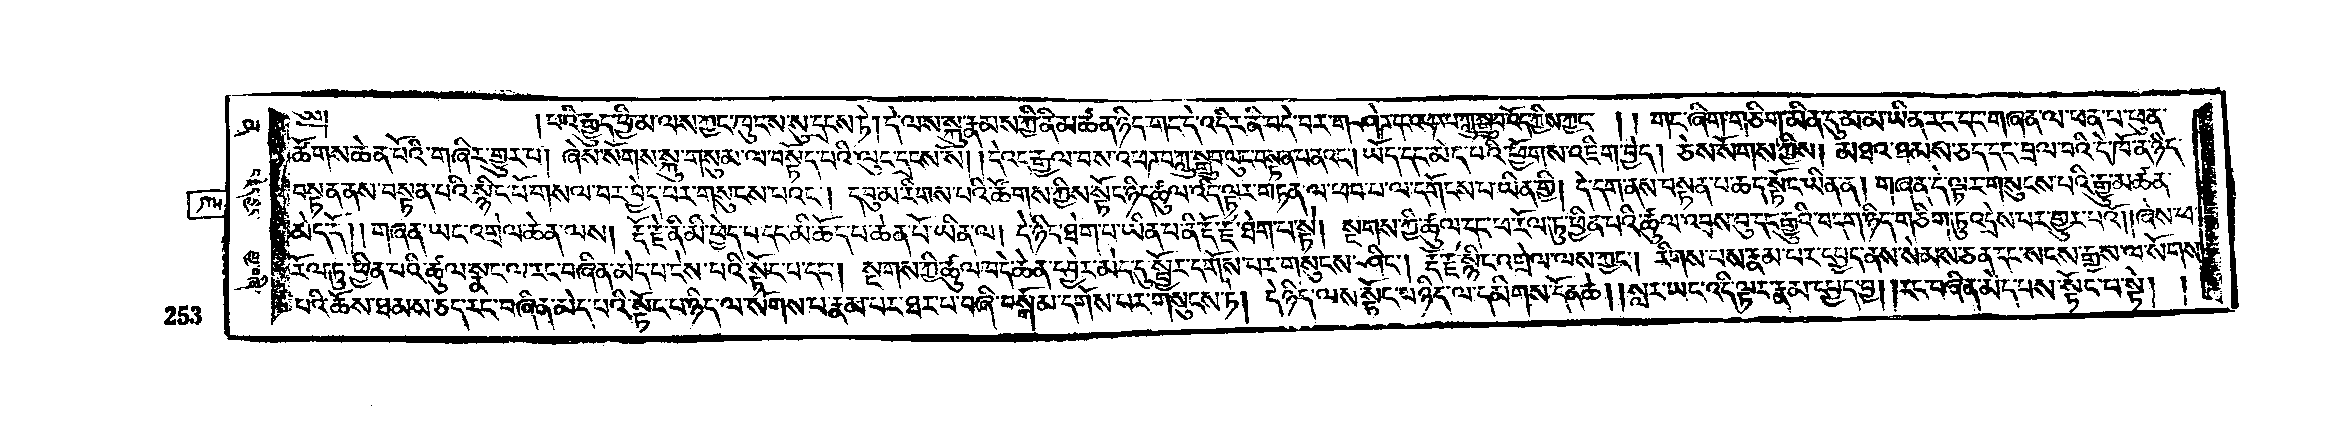༄༅། །པའི་རྒྱུད་ཕྱི་མ་ལས་ཀྱང་ཁུངས་སུ་དྲངས་ཏེ། དེ་ལས་སྐུ་རྣམས་ཀྱི་ནི་མཚན་ཉིད་གང་དེ་འདིར་ནི་བདེ་བར་གཤེགས་དང་འཕགས་པ་ཀླུ་སྒྲུབ་འོད་ཀྱིས་ཀྱང་། །གང་ཞིག་གཅིག་མིན་དུ་མ་མ་ཡིན་རང་དང་གཞན་ལ་ཕན་པ་ཕུན་
ཚོགས་ཆེན་པོའི་གཞིར་གྱུར་པ། ཞེས་སོགས་སྐུ་གསུམ་ལ་བསྟོད་པའི་ལུང་དྲངས་སོ། །དེའང་རྒྱལ་བས་འཕགས་པ་ཀླུ་སྒྲུབ་ལུང་བསྟན་པ་ནའང་། ཡོད་དང་མེད་པའི་ཕྱོགས་འཇིག་བྱེད། ཅེས་སོགས་ཀྱིས། མཐའ་ཐམས་ཅད་དང་བྲལ་བའི་དེ་ཁོ་ན་ཉིད་
བསྟན་ནས་བསྟན་པའི་སྙིང་པོ་གསལ་བར་བྱེད་པར་གསུངས་པའང་། དབུ་མ་རིགས་པའི་ཚོགས་ཀྱིས་སྟོང་ཉིད་ཚུལ་འདི་ལྟར་གཏན་ལ་ཕབ་པ་ལ་དགོངས་པ་ཡིན་གྱི་།དེ་དག་ནས་བསྟན་པ་ཆད་སྟོང་ཡིན་ན། གཞན་དེ་ལྟར་གསུངས་པའི་རྒྱུ་མཚན་
མེད་དོ། །གཞན་ཡང་འགྲེལ་ཆེན་ལས། རྡོ་རྗེ་ནི་མི་ཕྱེད་པ་དང་མི་ཆོད་པ་ཆེན་པོ་ཡིན་ལ། དེ་ཉིད་ཐེག་པ་ཡིན་པ་ནི་རྡོ་རྗེ་ཐེག་པ་སྟེ། སྔགས་ཀྱི་ཚུལ་དང་ཕ་རོལ་ཏུ་ཕྱིན་པའི་ཚུལ་འབྲས་བུ་དང་རྒྱུའི་བདག་ཉིད་གཅིག་ཏུ་འདྲེས་པར་གྱུར་པའོ། །ཞེས་ཕ་
རོལ་ཏུ་ཕྱིན་པའི་ཚུལ་སྣང་ལ་རང་བཞིན་མེད་པ་ངེས་པའི་སྟོང་པ་དང་། སྔགས་ཀྱི་ཚུལ་བདེ་ཆེན་དབྱེར་མེད་དུ་སྦྱོར་དགོས་པར་གསུངས་ཤིང་། རྡོ་རྗེ་སྙིང་འགྲེལ་ལས་ཀྱང་། རིགས་པས་རྣམ་པར་དཔྱད་ནས་སེམས་ཅན་དང་སངས་རྒྱས་ལ་སོགས་
པའི་ཆོས་ཐམས་ཅད་རང་བཞིན་མེད་པའི་སྟོང་པ་ཉིད་ལ་སོགས་པ་རྣམ་པར་ཐར་པ་བཞི་བསྒོམ་དགོས་པར་གསུངས་ཏེ། དེ་ཉིད་ལས་སྟོང་པ་ཉིད་ལ་དམིགས་དོན་ཆེ། །སླར་ཡང་འདི་ལྟར་རྣམ་དཔྱད་བྱ། །རང་བཞིན་མེད་པས་སྟོང་པ་སྟེ། །